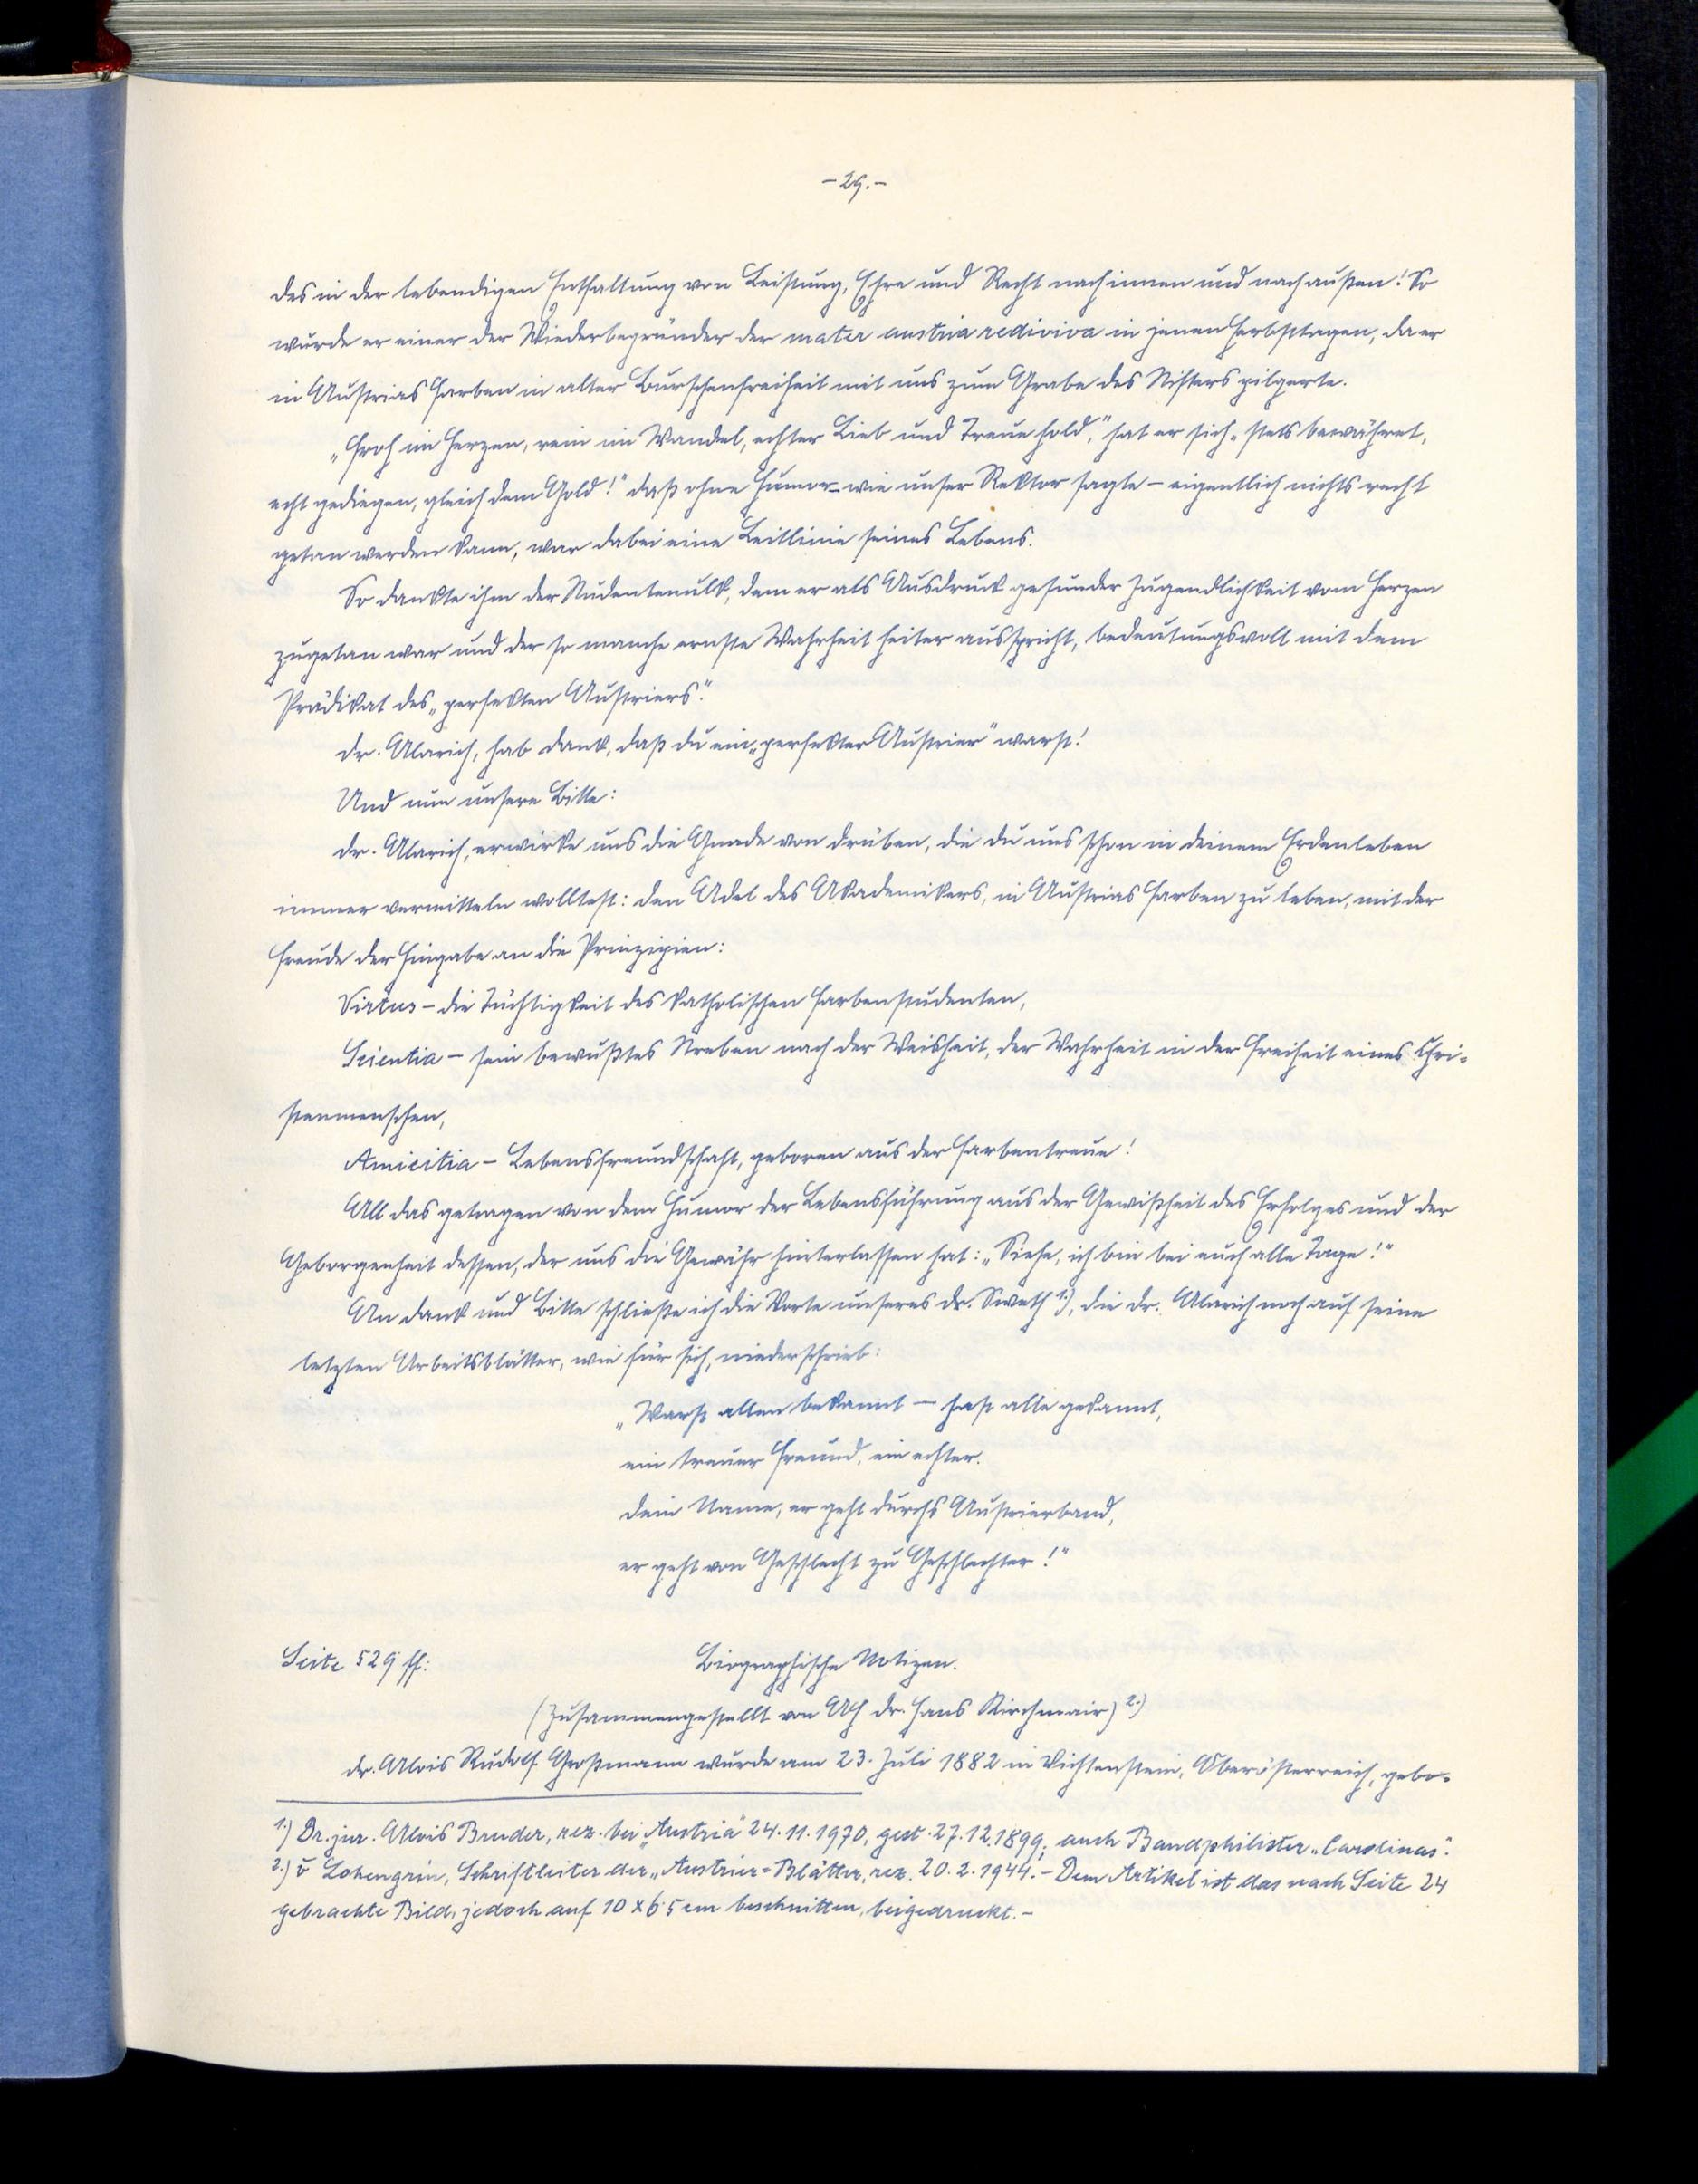29
des in der lebendigen Entfaltung von Leistung, Ehre und Recht nach innen und außen! So
wurde er einer der Wiederbegründer der mater austria rediviva, in jenen Herbsttagen, da er
in Austrias Farben in alter Burschenfreiheit mit uns zum Grabe des Stifters pilgerte.
„Froh im Herzen, rein im Wandel, echter Liebe und Treue hold“, hat er sich „stets bewähret,
recht gediegen, gleich dem Gold.“ Daß ohne Humor, wie unser Rektor sagte,- eigentlich nichts recht
getan werden kann, war dabei eine Leitlinie seines Lebens.
So dankte ihm der Studentenulk, dem er als Ausdruck gesunder Jugendlichkeit vom Herzen
zugetan war und der so manche ernste Wahrheit heiter ausspricht, bedeutungsvoll mit dem
Prädikat des „perfekten Austriers.“
Dr. Alarich, hab dank, daß du ein „perfekter Austrier“ warst!
Und nun unsere Bitte:
Dr. Alarich, erwirke uns die Gnade von drüben, die du uns schon in deinem Erdenleben
immer vermitteln wolltest: den Adel des Akademikers, in Austrias Farben zu leben mit der
Freude der Hingabe an die Prinzipien:
Virtus - die Tüchtigkeit der katholischen Farbenstudenten,
Scientia – sein bewusstes Streben nach der Weisheit, der Wahrheit in der Freiheit eines Chri-
stenmenschen,
Amicitia - Lebensfreundschaft geboren aus der Farbentreue!
All das getragen von dem Humor der Lebensführung aus der Gewißheit des Erfolges und der
Geborgenheit dessen, der uns die Gewähr hinterlassen hat: „Siehe ich bin bei euch alle Tage!“
An Dank und Bitte schließe ich die Worte unseres Dr. Sweth 1) die Dr. Alarich noch auf seine
letzten Arbeitsblätter, wie für sich, niederschrieb:
„Warst allen bekannt - hast alle gekannt,
ein treuer Freund, ein echter.
Dein Name, er geht durchs Austrierland
er geht von Geschlecht zu Geschlechter!“
S. 529 ff.
Biografische Notizen.
(zusammengestellt von AH Dr. Hans Kirchmair) 2)
Dr. Alois Rudolf Großmann wurde am 23 Juli 1882 in Vichtenstein, Oberösterreich gebo-
1) Dr. ir. Alois Bruder, rez. bei „Austria“ 24.11.1970 gest. 27.12.1899; auch Bandphilister „Carolinas“.
2) v/o Lohengrin, Schriftleiter der „Austrier-Blätter, rez. 20. 2. 1944.- Dem Artikel ist das nach Seite 2
gebrachte Bild jedoch auf 10 x 6.5 bestritten beigedruckt.-